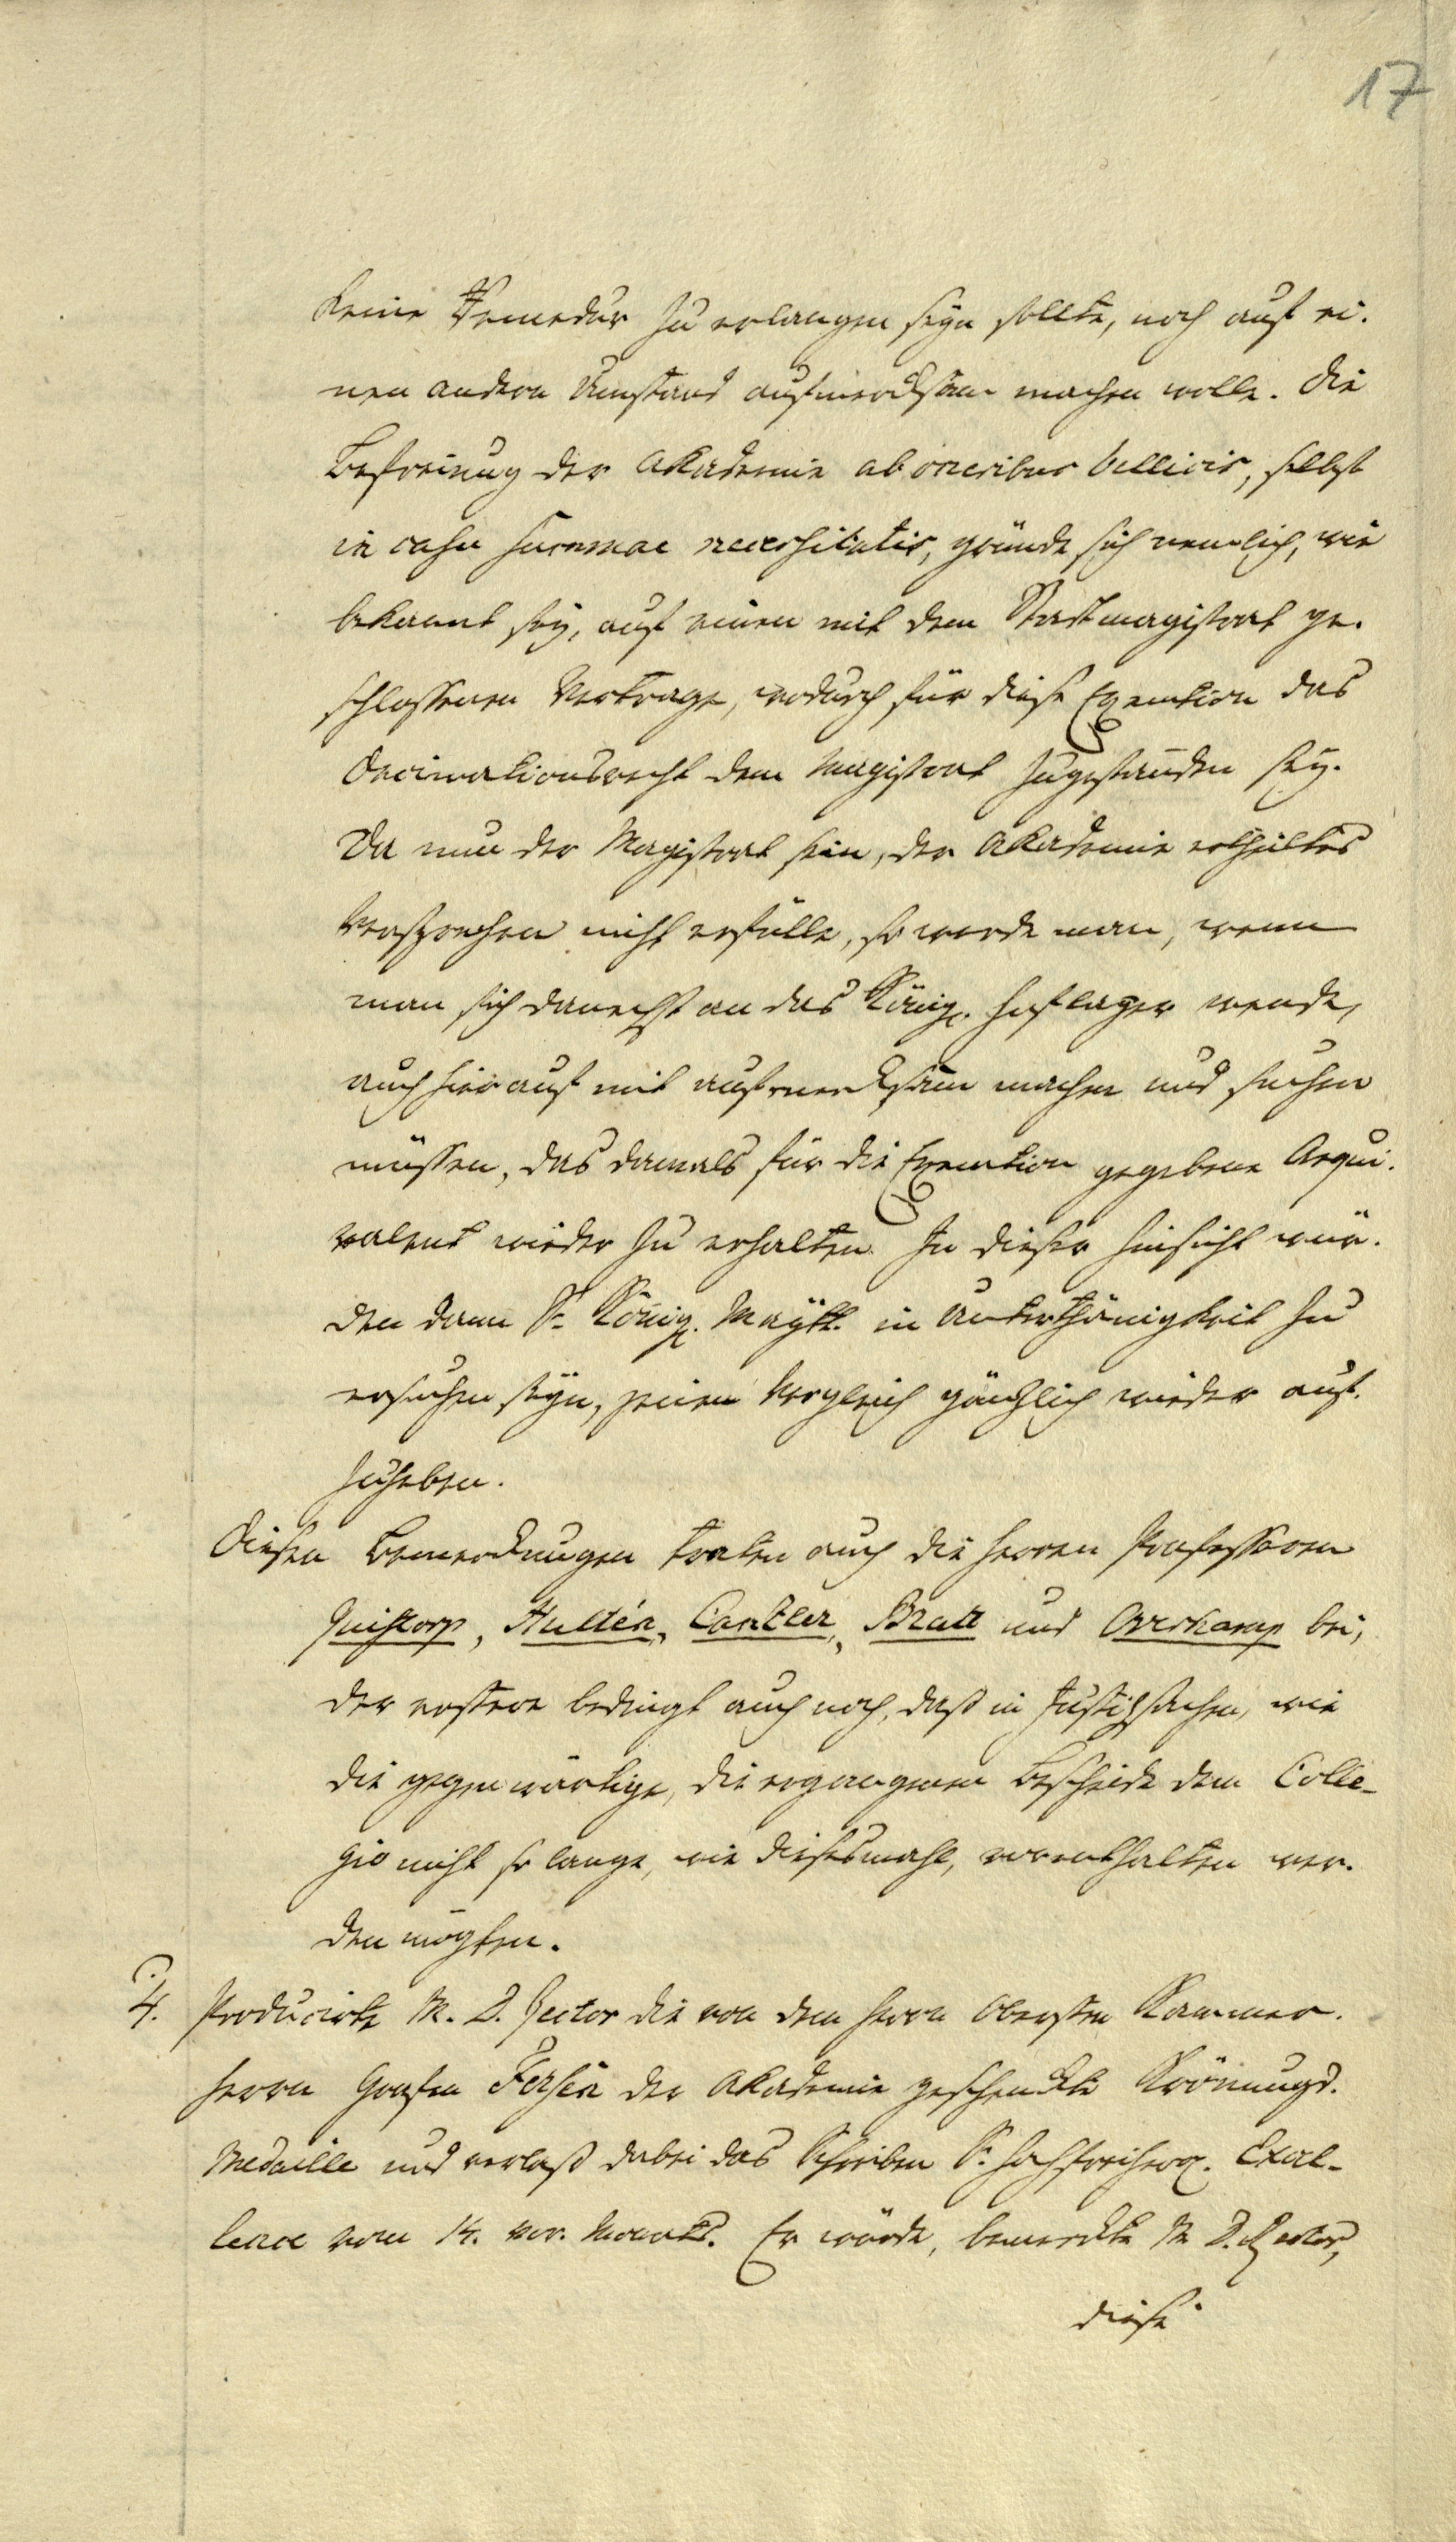keine Remedur zu erlangen seÿn sollte, noch auf ei¬
nen andern Umstand aufmercksam machen wolle. Die
Befreiung der Akademie ab oneribus bellicis, selbst
in casu summae necessitatis, gründe sich nemlich, wie
bekannt seÿ, auf einem mit dem Stadtmagistrat ge¬
schlossenen Vertrage, wodurch für diese Exemtion das
Decimationsrecht dem Magistrat zugestanden seÿ.
Da nun der Magistrat sein, der Akademie ertheiltes
Versprechen nicht erfülle, so werde man, wenn
man sich danechst an das Königl. hoflager wende,
auch hierauf mit aufmercksam machen und suchen
müssen, das damals für die Exemtion gegebene Aequi¬
valent wieder zu erhalten. In dieser hinsicht wür¬
den dann Sr. Königl. Maÿtt. in Unterthänigkeit zu
ersuchen seÿn, jenen Vergleich gänzlich wieder auf¬
zuheben.
Diesen Bemerckungen traten die herren Professoren
Quistorp, Hultén, Canzler, Bratt und Overkamp bei,
der erstere bedingt auch noch, daß in Justizsachen, wie
die gegenwärtige, die ergangenen Bescheide dem Colle¬
gio nicht so lange, wie diesesmahl, vorenthalten wer¬
den mögten.
4. Producirte M. D. Rector die von dem herrn obersten Kammer¬
herrn Grafen Fersen der Akademie geschenckte Krönungs¬
Medaille und verlas dabei das Schreiben Sr. hochfreiherrl. Excel¬
lence vom 14. vor. Monats. Er würde, bemerckte M. D. Rector,
diese